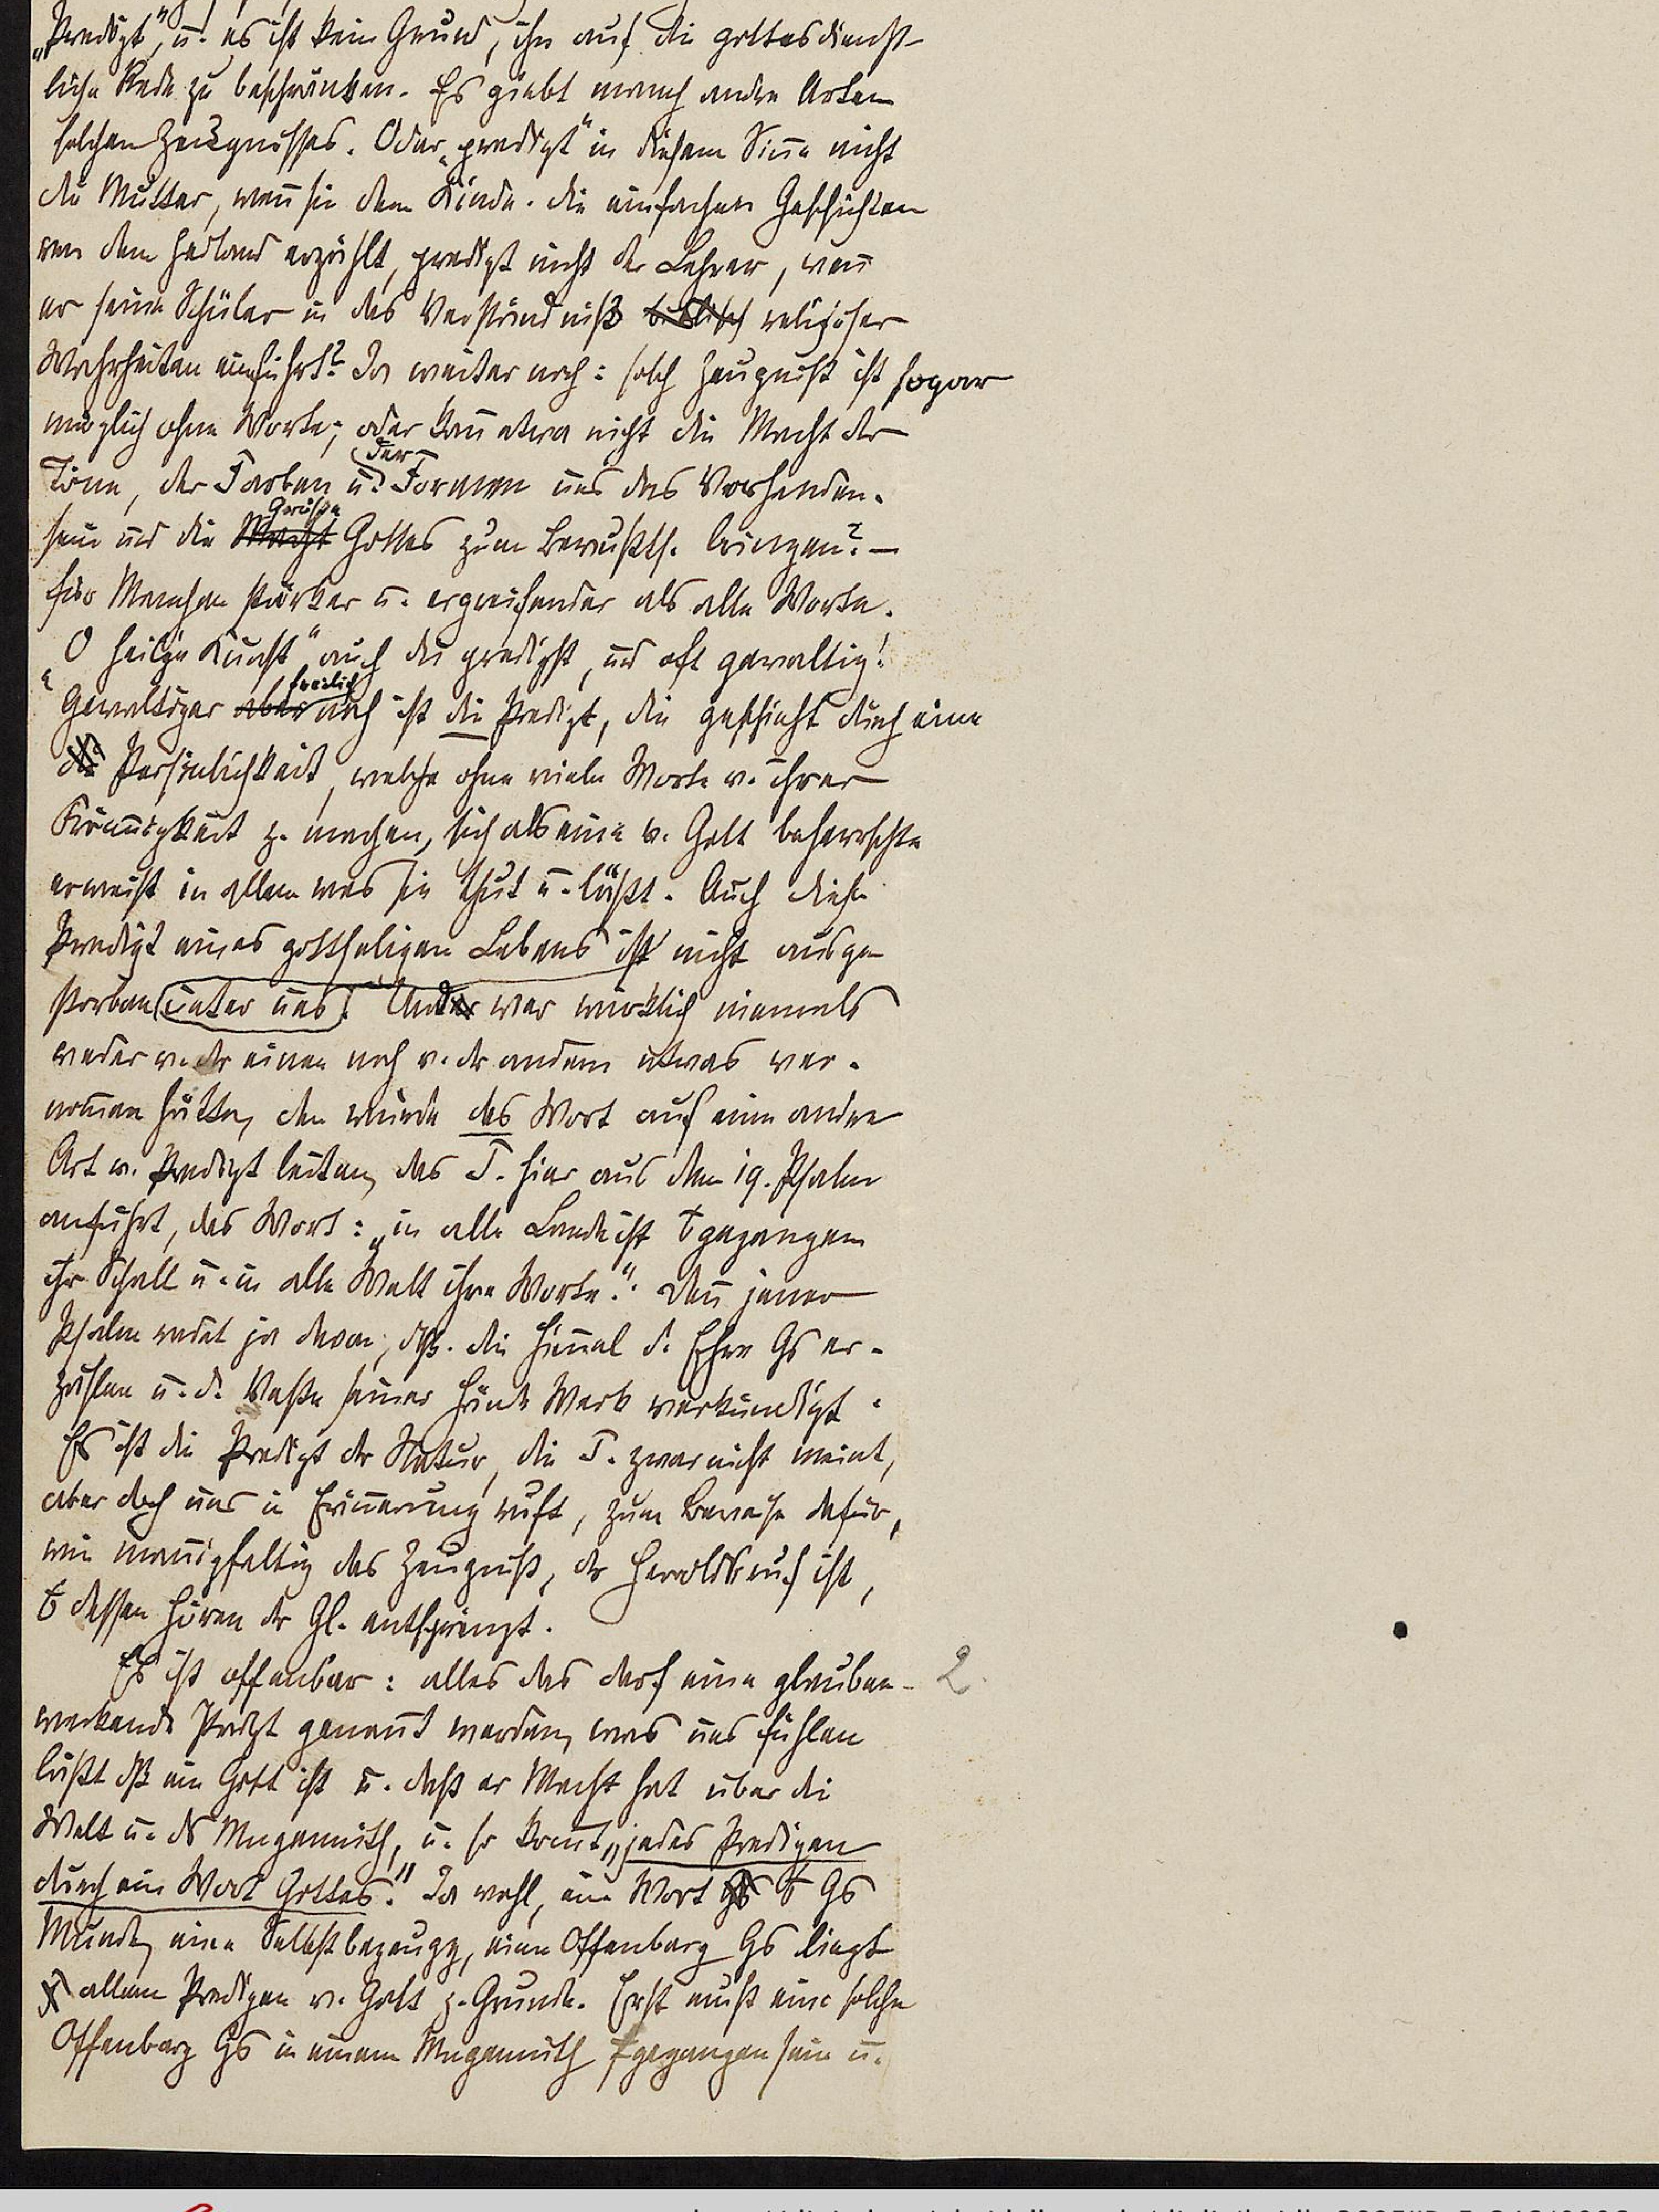"Predigt", u. es ist kein Grund, ihn auf die gottesdienst¬
liche Rede zu beschränken. Es gibt noch andere Arten
solchen Zeugnisses. Oder "predigt" in diesem Sine nicht
die Mutter, wen sie dem Kinde. die einfachen Geschichten
von dem Heiland erzählt, predigt nicht der Lehrer, wen
er seinen Schülern in das Verständniß biblisch religiöser
Wahrheiten einführt? Ja weiter noch: solch Zeugnis ist sogar
möglich ohne Worte; oder kan etwa nicht die Macht der
der
Töne, der Farben und Formen uns das Vorhanden¬
Größe
sein und die Macht Gottes zum Bewußts. bringen? _
für Manchen stärker u. ergreifender als alle Worten.
"O heilge Kunst" auch du predigst, und oft gewaltig!
freilich
Gewaltige aber auch ist die Predigt, die geschieht durch eine
die Persönlichkeit, welche ohne viele Worte v. ihrer
Frömigkeit z. machen, sich als eine v. Gott beherrschte
erweist in allem was sie thut u. läßt. Auch diese
Predigt eines gottseligen Lebens ist nicht ausge¬
storben unter uns! Und wer wirklich niemals
weder v. dr einen noch v. der andern etwas ver¬
nomen hätte, den würde das Wort auf ein andre
Art v. Predigt leiten, das P. hier aus dem 19. Psalm
anfüht, das Wort: "in alle LAnde is sgegangen
ihr Schall u. in alle Welt ihre Worte." Den jener
Psalm redet ja davon, daß die Himmel d. Ehre Gs er¬
zählen u. d. Veste seiner Hände Werk verkündigt.
Es ist die Predigt der Natur, die P. zwar nicht meint,
aber doch uns in Erinerung ruft, zum Beweise dafür,
wie manigfaltig das Zeugniß, der Heroldsruf ist
s dessen Hören dr Gl. entspringt.
Es ist offenbar: alles das darf eine glauben¬
wirkende Predigt genant werden, was uns fühlen
läßt daß ein Gott ist u. daß er Macht hat über die
Welt u. das Mngemüth, u. so komt "jedes Predigen
durch ein Wort Gottes." Ja wohl, ein Wort Gs s Gs
Munde, eine Selbstbezeugg., eine Offenbarg Gs liegt
j allem Predigen v. Gott z. Grunde. Erst muß eine solche
Offenbarg Gs in einem Mngemüth fgegangen sein u.